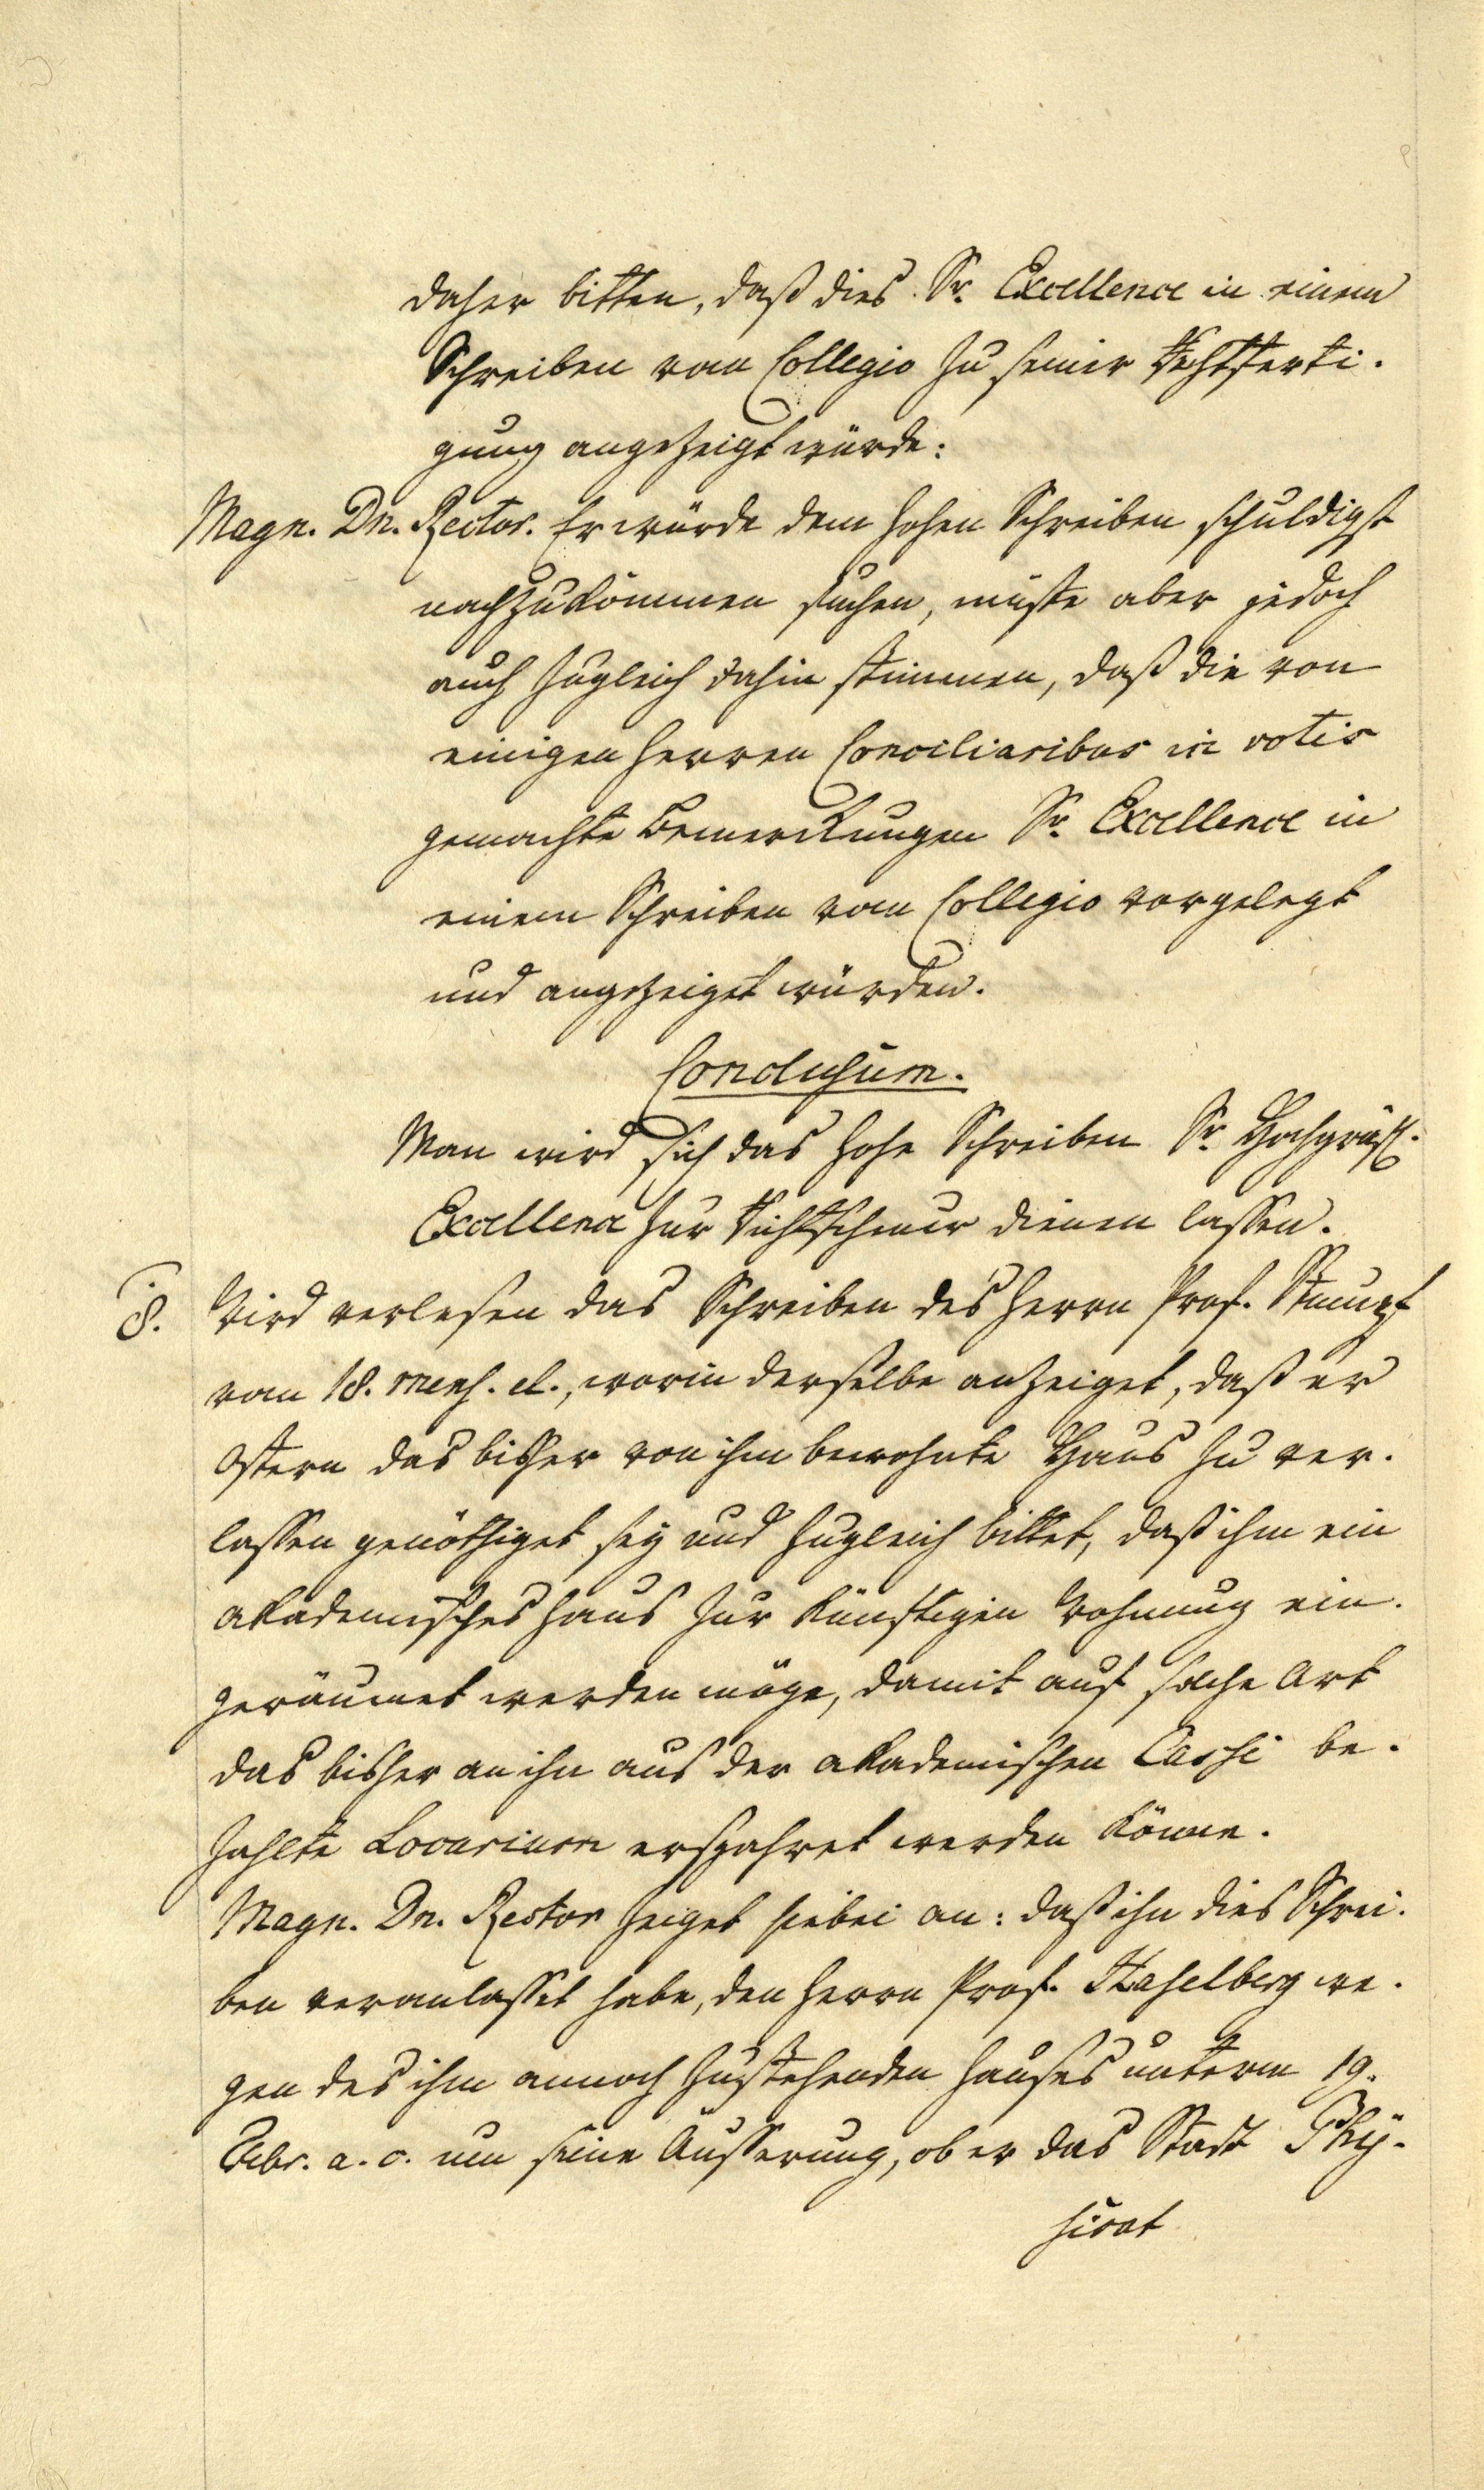daher bitten, daß dies Sr Excellence in einem
Schreiben vom Collegio zu seiner Rechtferti¬
gung angezeigt würde:
Magn. Dn. Rector. Er würde dem hohen Schreiben schuldigst
nachzukommen suchen, müßte aber jedoch
auch zugleich dahin stimmen, daß die von
einigen Herren Conciliaribus in votis
gemachte Bemerckungen Sr Excellence in
einem Schreiben vom Collegio vorgelegt
und angezeiget würden.
Conclusum.
Man wird sich das hohe Schreiben Sr Hochgräfl.
Excellence zur Richtschnur dienen lassen.
8. Wird verlesen das Schreiben des Herrn Prof. Stumpf
vom 18. mens. et. worin derselbe anzeiget, daß er
Ostern das bisher von ihm bewohnte Haus zu ver¬
lassen genöthiget seÿ und zugleich bittet, daß ihm ein
akademnisches Haus zur künftigen Wohnung ein¬
geräumet werden möge, damit auf solche Art
das bisher an ihn aus der akademischen Casse be¬
zahlte Locarium erspahret werden könne.
Magn. Dn. Rector zeiget hiebei an: daß ihn dies Schrei¬
ben veranlasset habe, den Herrn Prof. Haselberg we¬
gen des ihm annoch zustehenden Hauses unterm 19.
Febr. a. c. um seine Äusserung, ob er das Stadt Phÿ¬
sicat